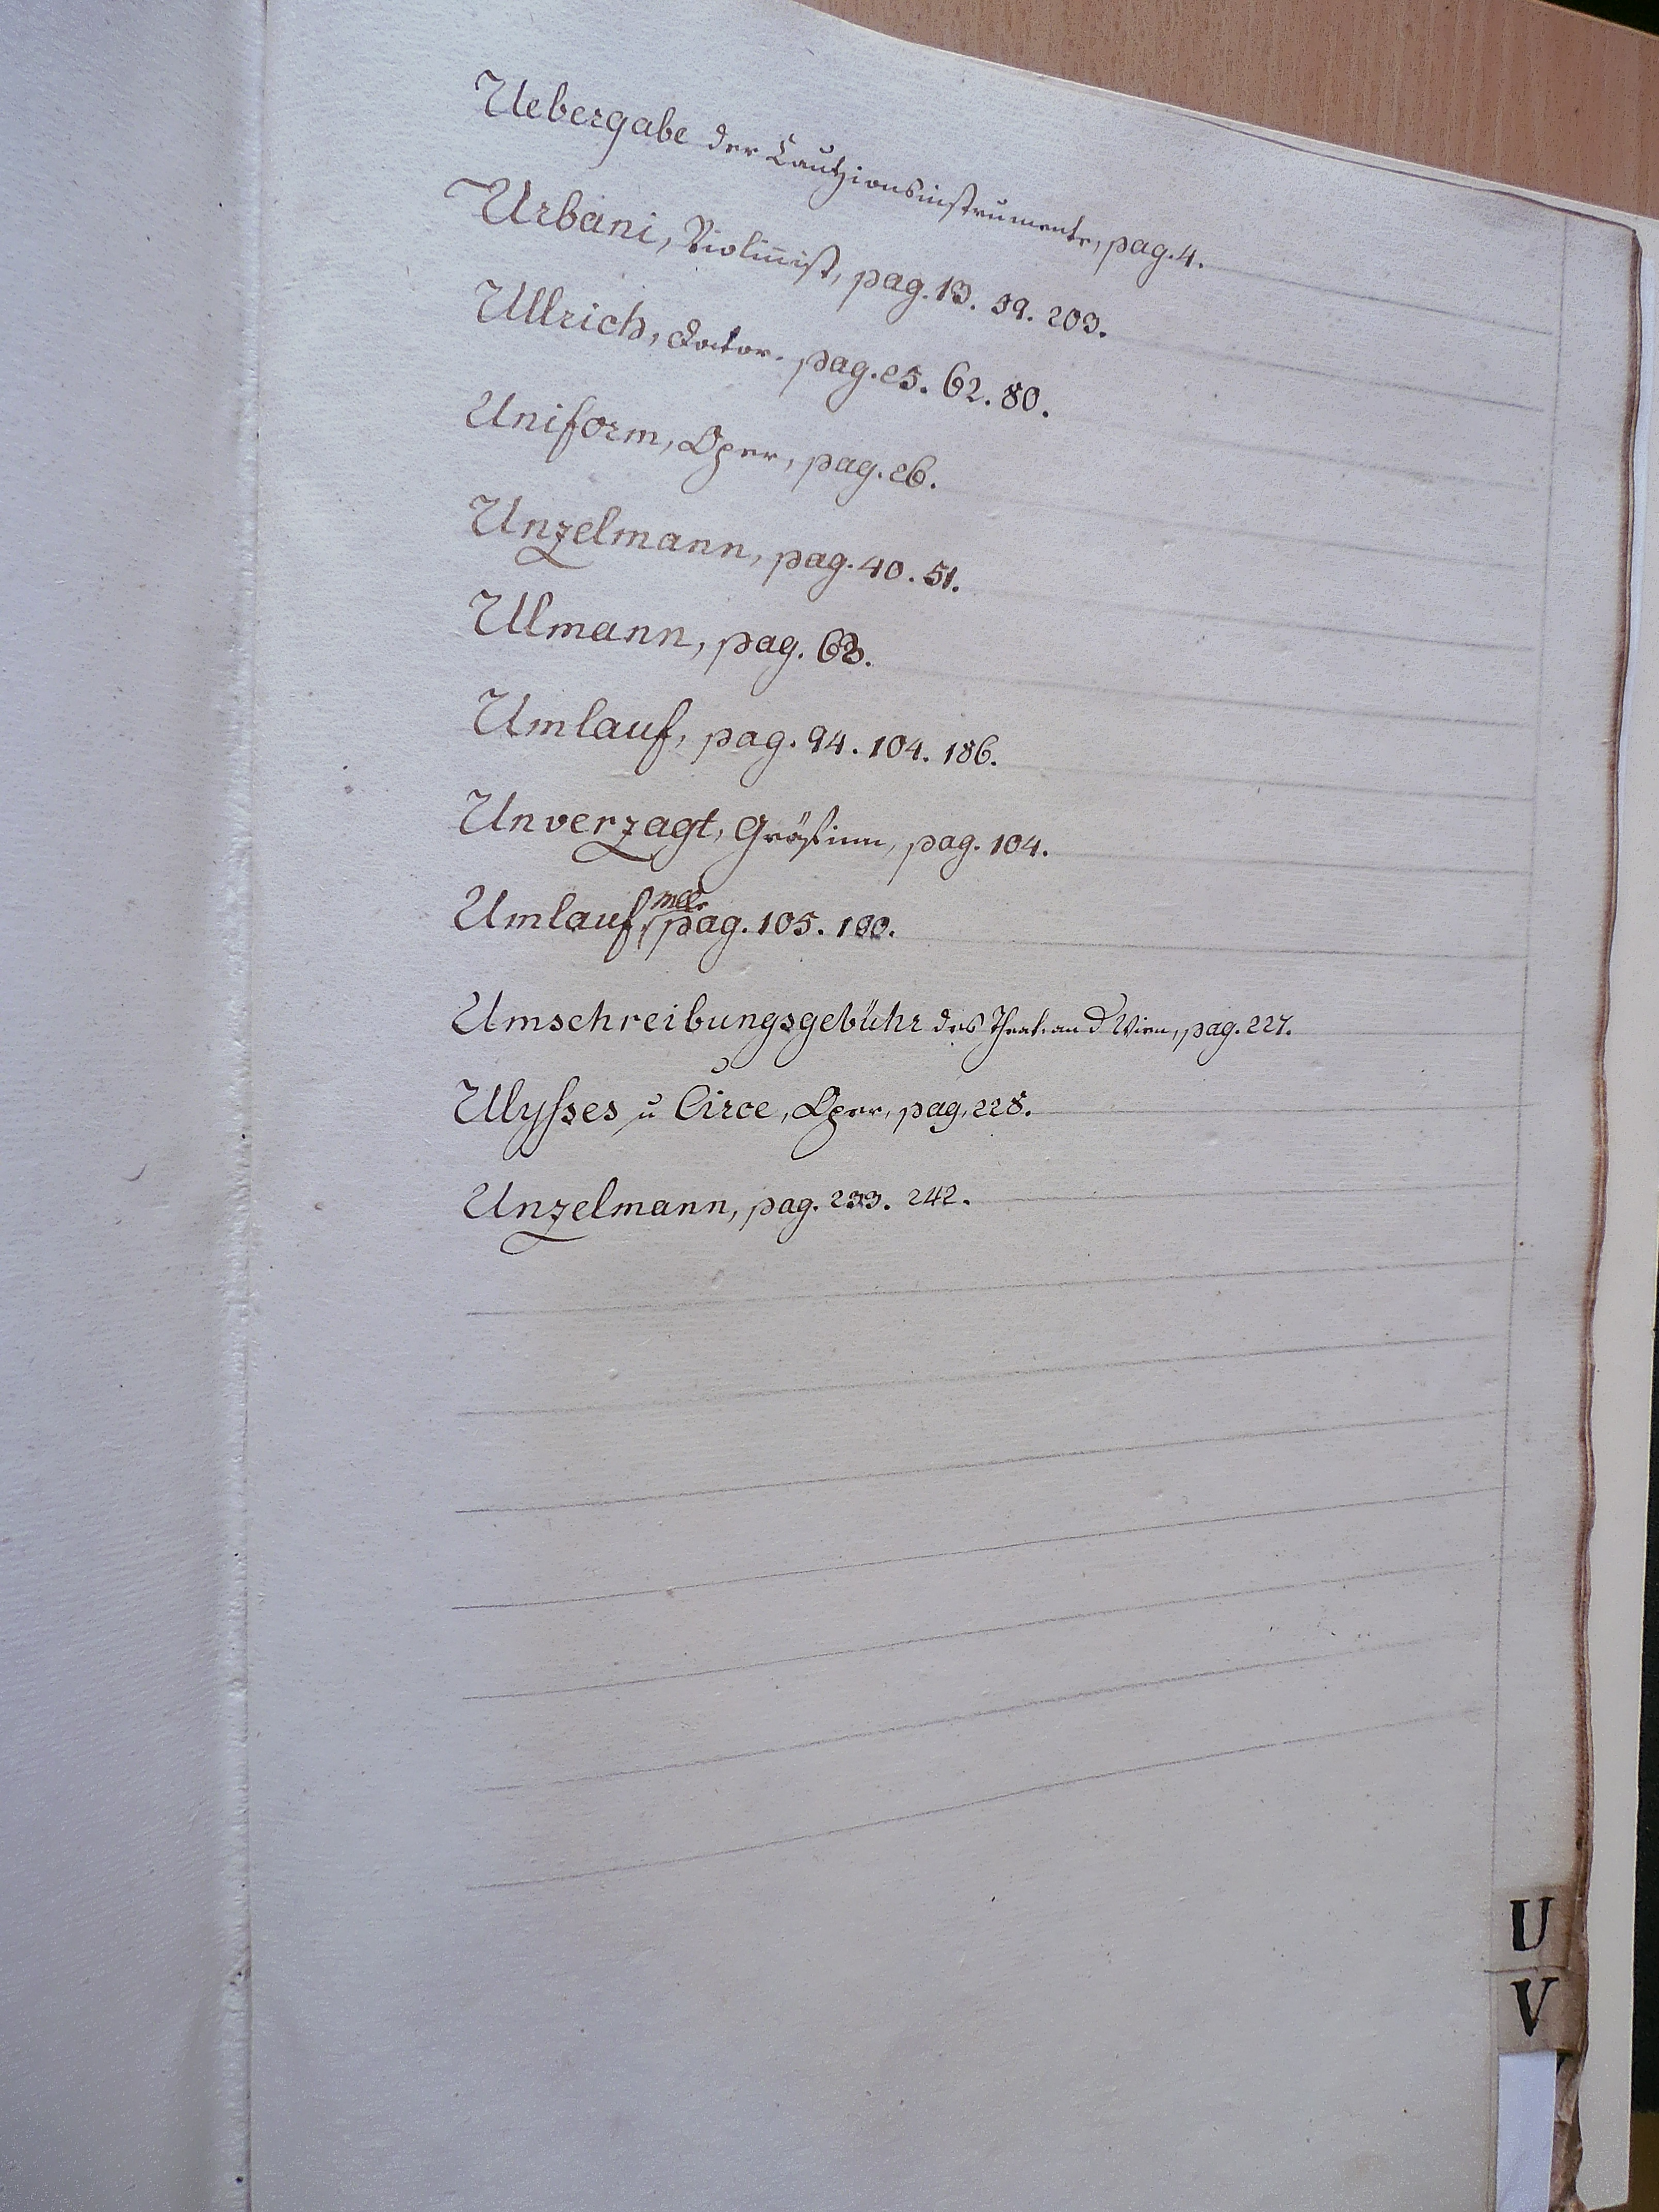U
Uebergabe der Cautzionsinstrumente, pag. 4.
Urbani, Violinist, pag. 13. 59. 203.
Ullrich, Doctor, pag. 25. 62. 80.
Uniform, Oper, pag. 26.
Unzelmann, pag. 40. 51.
Ulmann, pag. 63.
Umlauf, pag. 94. 104. 186.
Unverzagt, Gräfinn, pag. 104.
Umlauf. Mlle pag. 105. 190.
Umschreibungsgebühr des Theater an der Wien, pag. 227.
Ulysses u Circe, Oper, pag. 228.
Unzelmann, pag. 233. 242.